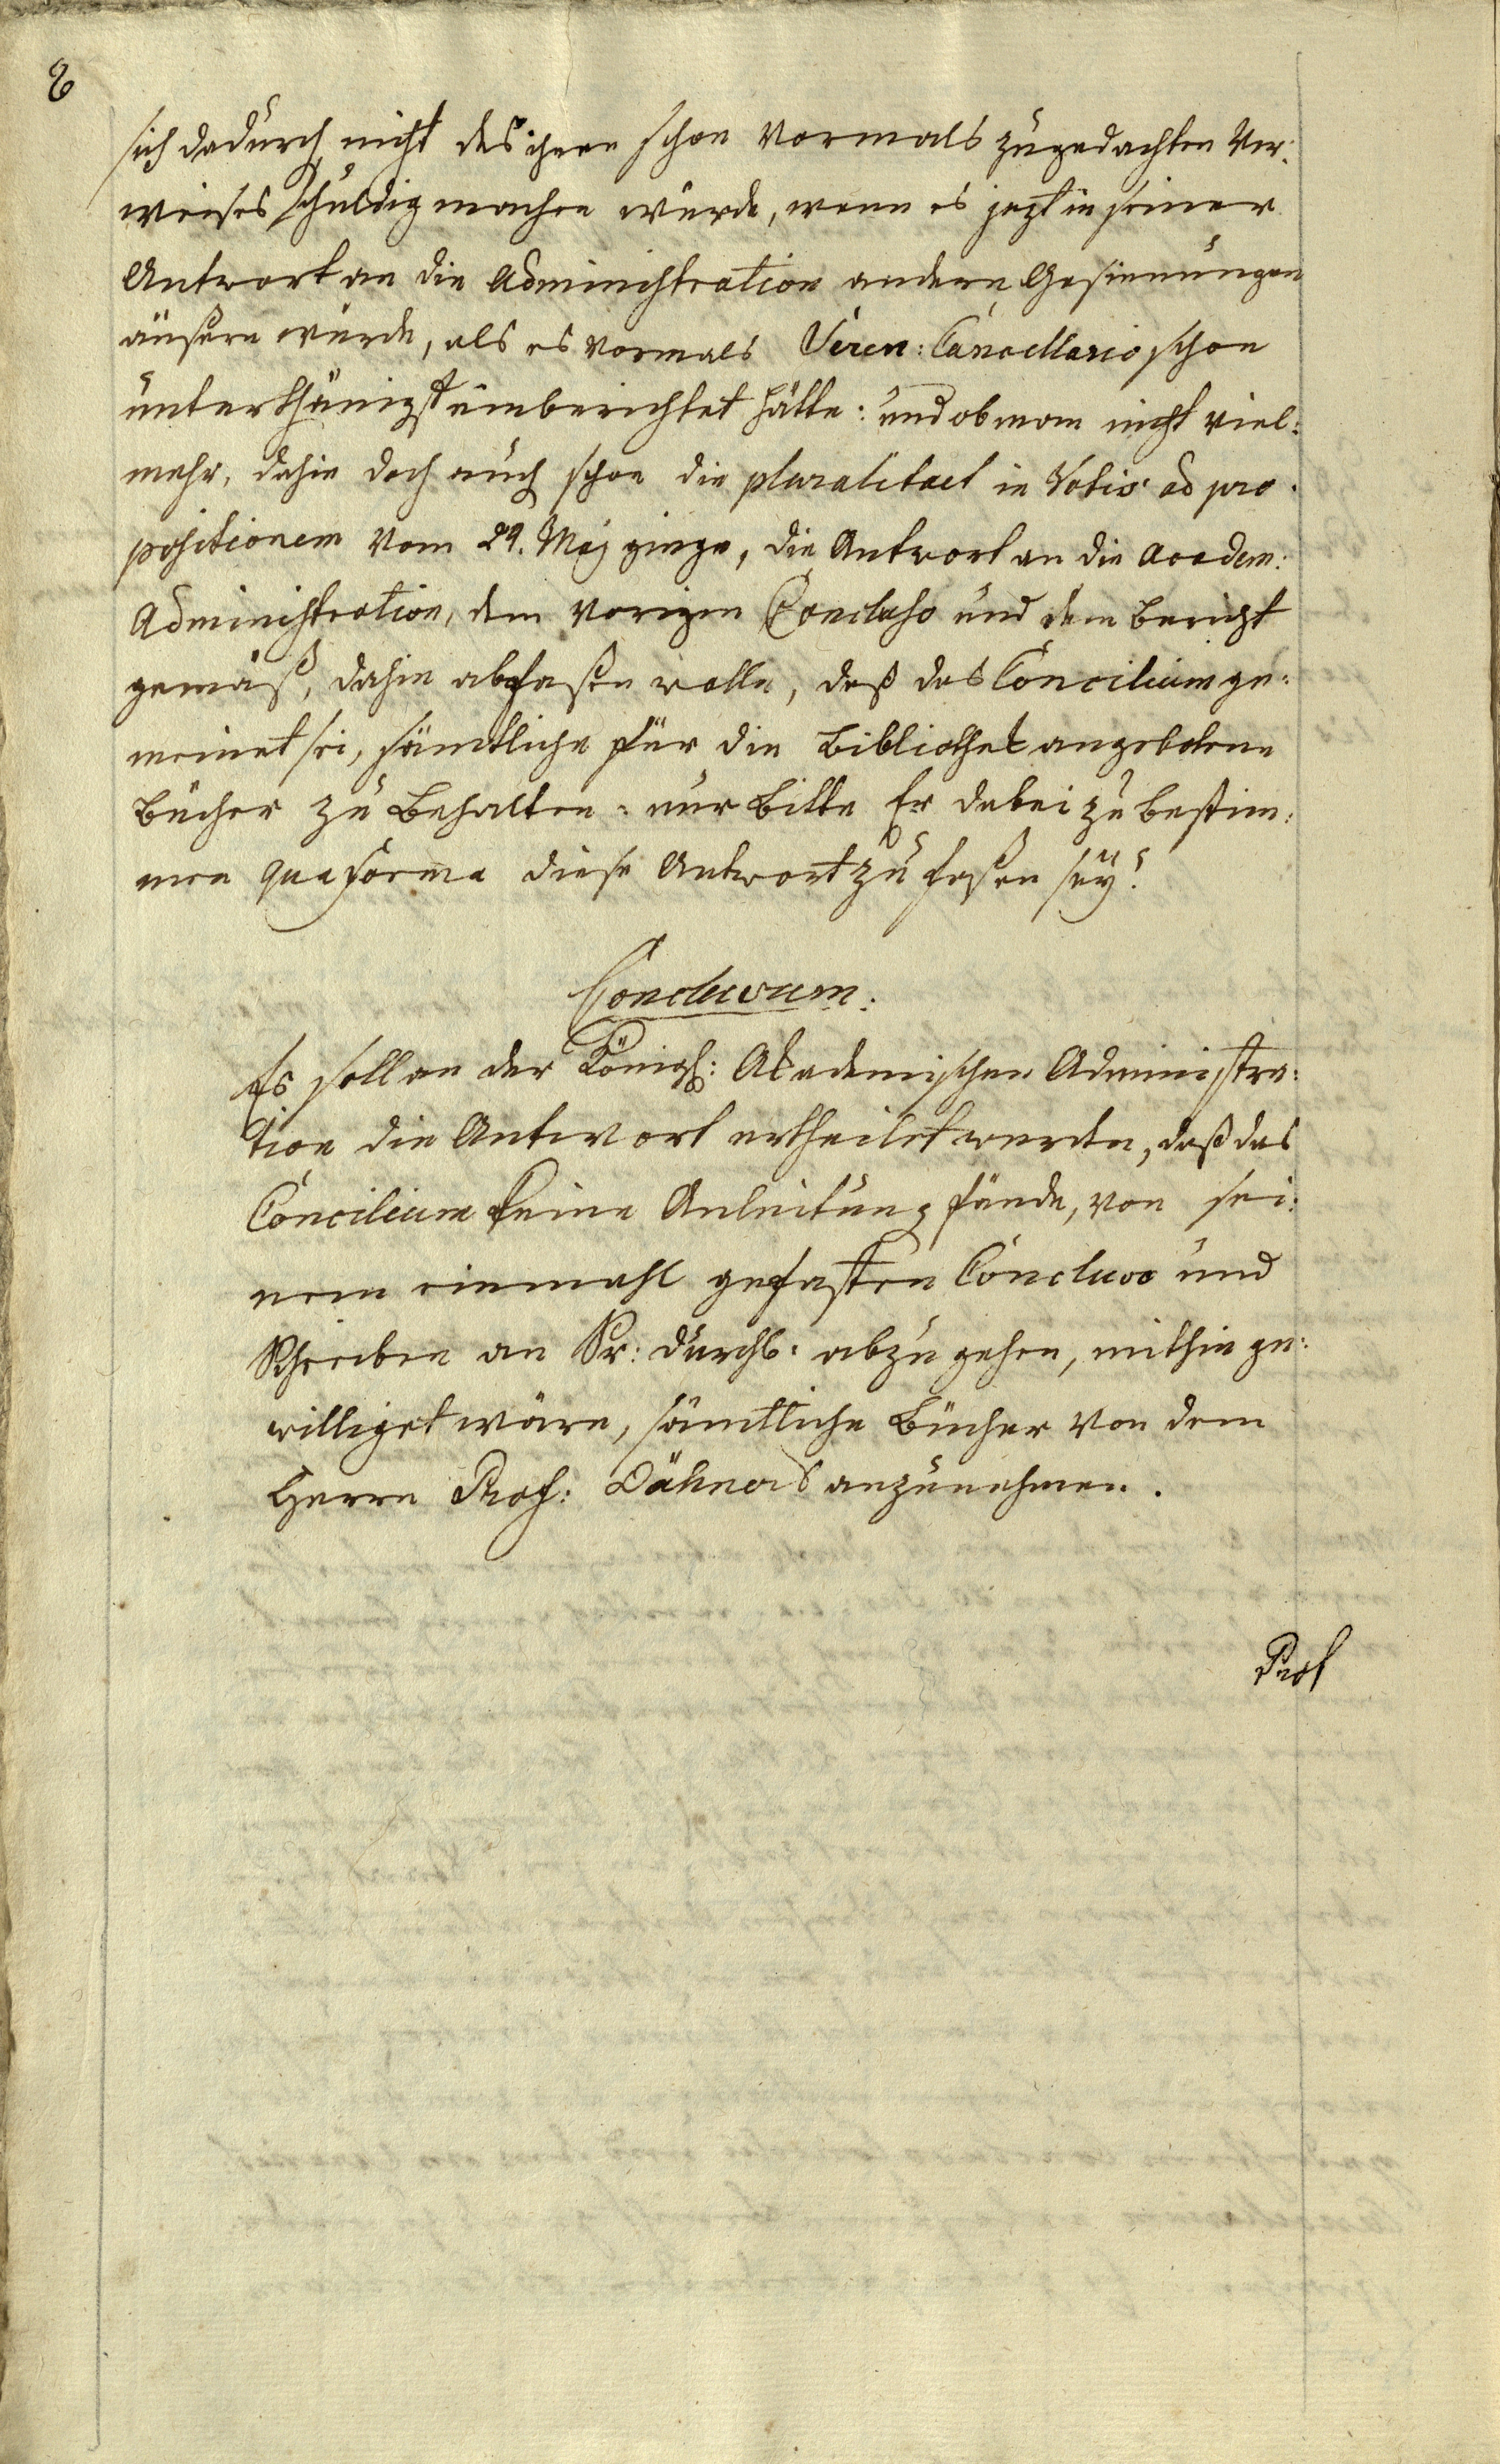sich dadurch nicht des ihnen schon vormals zugedachten Ver¬
weises schuldig machen würde, wenn es jezt in seiner
Antwort an die Administration andere Gesinnungen
äußern würde, als es vormals Seren. Cancellario schon
unterthänigst einberichtet hätte: und ob man nicht viel¬
mehr, dahin doch auch schon die pluralitaet in Votis ad pro¬
positionem vom 24. Maj ginge, die Antwort an die Academ:
Administration, dem vorigen Concluso und dem Bericht
gemäß, dahin abfaßen wolle, daß das Concilium ge¬
meinet sei, sämliche für die Bibliothek angebotene
Bücher zu behalten, nur bitte Er dabei zu bestim¬
men qua forma diese Antwort zu faßen seÿ!
Conclusum
Es soll an der Königl: Akademischen Administra¬
tion die Antwort ertheilet werden, daß das
Concilium keine Anleitung fände, von sei¬
nem einmahl gefasten Concluso und
Schreiben an Sr Durchl abzugehen, mithin ge¬
williget wäre, sämtliche Bücher von dem
Herrn Prof: Dähnert anzunehmen.